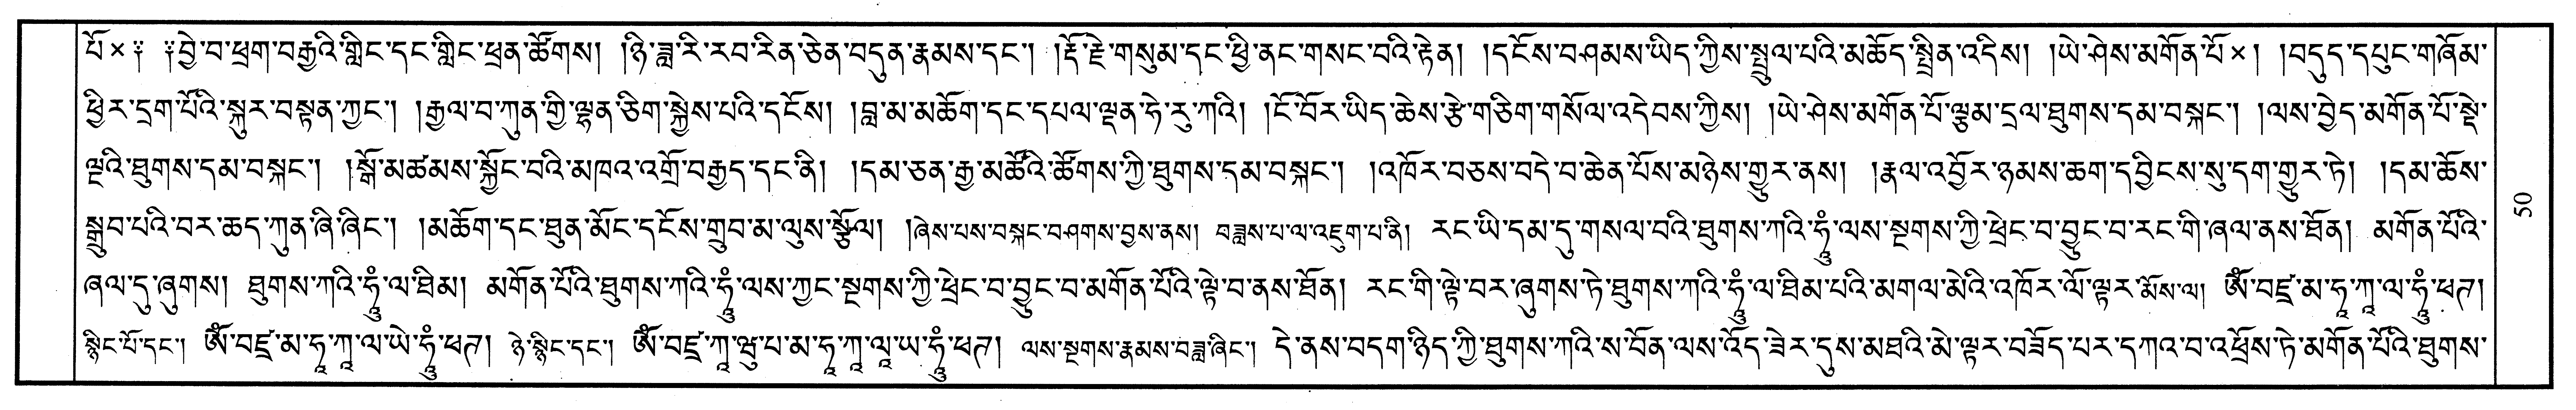པོ་྾། །བྱེ་བ་ཕྲག་བརྒྱའི་གླིང་དང་གླིང་ཕྲན་ཚོགས། །ཉི་ཟླ་རི་རབ་རིན་ཅེན་བདུན་རྣམས་དང་། །རྡོ་རྗེ་གསུམ་དང་ཕྱི་ནང་གསང་བའི་རྟེན། །དངོས་བཤམས་ཡིད་ཀྱིས་སྤྲུལ་པའི་མཆོད་སྤྲིན་འདིས། །ཡི་ཤེས་མགོན་པོ་྾། །བདུད་དཔུང་གཞོམ་
ཕྱིར་དྲག་པོའི་སྐུར་བསྟན་ཀྱང་། །རྒྱལ་བ་ཀུན་གྱི་ལྷན་ཅིག་སྐྱེས་པའི་དངོས། །བླ་མ་མཆོག་དང་དཔལ་ལྡན་ཧེ་རུ་ཀའི། །ངོ་བོར་ཡིད་ཆེས་རྩེ་གཅིག་གསོལ་འདེབས་ཀྱིས། །ཡེ་ཤེས་མགོན་པོ་ལྕམ་དྲལ་ཐུགས་དམ་བསྐང་། །ལས་བྱེད་མགོན་པོ་སྡེ་
ལྔའི་ཐུགས་དམ་བསྐང་། །སྒོ་མཚམས་སྐྱོང་བའི་མཁའ་འགྲོ་བརྒྱད་དང་ནི། །དམ་ཅན་རྒྱ་མཚོའི་ཚོགས་ཀྱི་ཐུགས་དམ་བསྐང་། །འཁོར་བཅས་བདེ་བ་ཆེན་པོས་མཉེས་གྱུར་ནས། །རྣལ་འབྱོར་ཉམས་ཆག་དབྱིངས་སུ་དག་གྱུར་ཏེ། །དམ་ཆོས་
སྒྲུབ་པའི་བར་ཆད་ཀུན་ཞི་ཞིང་། །མཆོག་དང་ཐུན་མོང་དངོས་གྲུབ་མ་ལུས་སྩོལ། །ཞེས་པས་བསྐང་བཤགས་བྱས་ནས། བཟླས་པ་ལ་འཇུག་པ་ནི། རང་ཡི་དམ་དུ་གསལ་བའི་ཐུགས་ཀའི་ཧཱུཾ་ལས་སྔགས་ཀྱི་ཕྲེང་བ་བྱུང་བ་རང་གི་ཞལ་ནས་ཐོན། མགོན་པོའི་
ཞལ་དུ་ཞུགས། ཐུགས་ཀའི་ཧཱུཾ་ལ་ཐིམ། མགོན་པོའི་ཐུགས་ཀའི་ཧཱུཾ་ལས་ཀྱང་སྔགས་ཀྱི་ཕྲེང་བ་བྱུང་བ་མགོན་པོའི་ལྟེ་བ་ནས་ཐོན། རང་གི་ལྟེ་བར་ཞུགས་ཏེ་ཐུགས་ཀའི་ཧཱུཾ་ལ་ཐིམ་པའི་མགལ་མེའི་འཁོར་ལོ་ལྟར་མོས་ལ། ཨོཾ་བཛྲ་མ་ཧཱ་ཀཱ་ལ་ཧཱུཾ་ཕཊ།
སྙིང་པོ་དང་། ཨོཾ་བཛྲ་མ་ཧཱ་ཀཱ་ལ་ཡེ་ཧཱུཾ་ཕཊ། ཉེ་ཀྶྙིང་དང་། ཨོཾ་བཛྲ་ཀཱ་ཝུ་པ་མ་ཧཱ་ཀཱ་ལཱ་ཡ་ཧཱུཾ་ཕཊ། ལས་སྔགས་རྣམས་བཟླ་ཞིང་། དེ་ནས་བདག་ཉིད་ཀྱི་ཐུགས་ཀའི་ས་བོན་ལས་འོད་ཟེར་དུས་མཐའི་མེ་ལྟར་བཟོད་པར་དཀའ་བ་འཕྲོས་ཏེ་མགོན་པོའི་ཐུག་